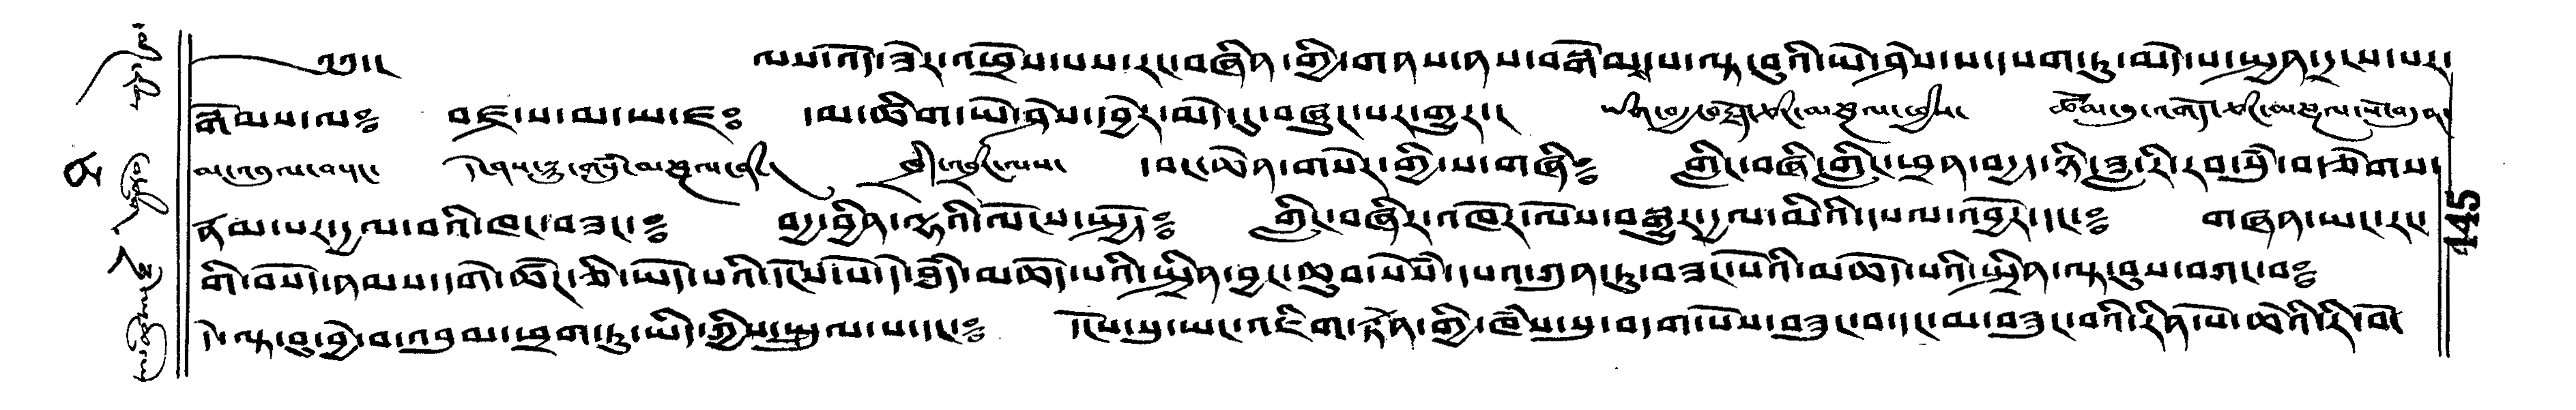ལས་འོད་ཟེར་འཕྲོས་པས་རང་བཞིན་གྱི་གནས་ནས་བསྒོམས་པ་ལྟ་བུའི་ཡེ་ཤེས་པ་དཔག་ཏུ་མེད་པ་སྤྱན་དྲངས་པར་
སྒོམ་ལ༔ བཛྲ་ས་མ་ཡ་ཛཿ དམ་ཚིག་ཡེ་ཤེས་དབྱེར་མེད་དུ་བཞུགས་པར་གྱུར༔ ཡིག་བརྒྱ་བརྗོད་ཅིང་མཎྜལ་ཕྱིས། ཚོམ་བུ་འགོད་ཅིང་མཎྜལ་སོ་བདུན་
མ་འབུལ་བ་དང་། དེ་ནས་སྐུ་གསུམ་མཎྜལ་ནི། ཁྲིད་འབྲིང་ལས། དབང་ཆེན་གསེར་གྱི་ས་གཞི༔ གླིང་བཞི་གླིང་ཕྲན་བརྒྱད༔ ཉི་ཟླ་རི་རབ་སུམ་བརྩེགས༔ 
རྣམ་པར་རྒྱལ་བའི་ཁང་བཟང༔ བརྒྱ་བྱིན་ལྷའི་ལོངས་སྤྱོད༔ གླིང་བཞིར་འཁོར་ལོས་བསྒྱུར་རྒྱལ་མིའི་དཔལ་འབྱོར་དང༔ གཞན་ཡང་རང་
གི་བསོད་ནམས་དགེ་ཚོགས་ཅི་ཡོད་པའི་དངོས་པོ་དེ་ཐམས་ཅད་མཆོད་པའི་སྤྲིན་བྱང་ཆུབ་སེམས་དཔའ་ཀུན་ཏུ་བཟང་པོའི་མཆོད་པའི་སྤྲིན་ལྟ་བུས་བཀང་བ༔ 
དེ་ལྟ་བུ་བྱེ་བ་འབུམ་ཕྲག་ཏུ་ཡིད་ཀྱིས་སྤྲུལ་པ་དང༔ དངོས་སུ་ཡང་འཇིག་རྟེན་གྱི་ཁམས་སུ་བདག་པོས་བཟུང་བ་དང་མ་བཟུང་བའི་རིན་པོ་ཆེའི་རི་བོ་